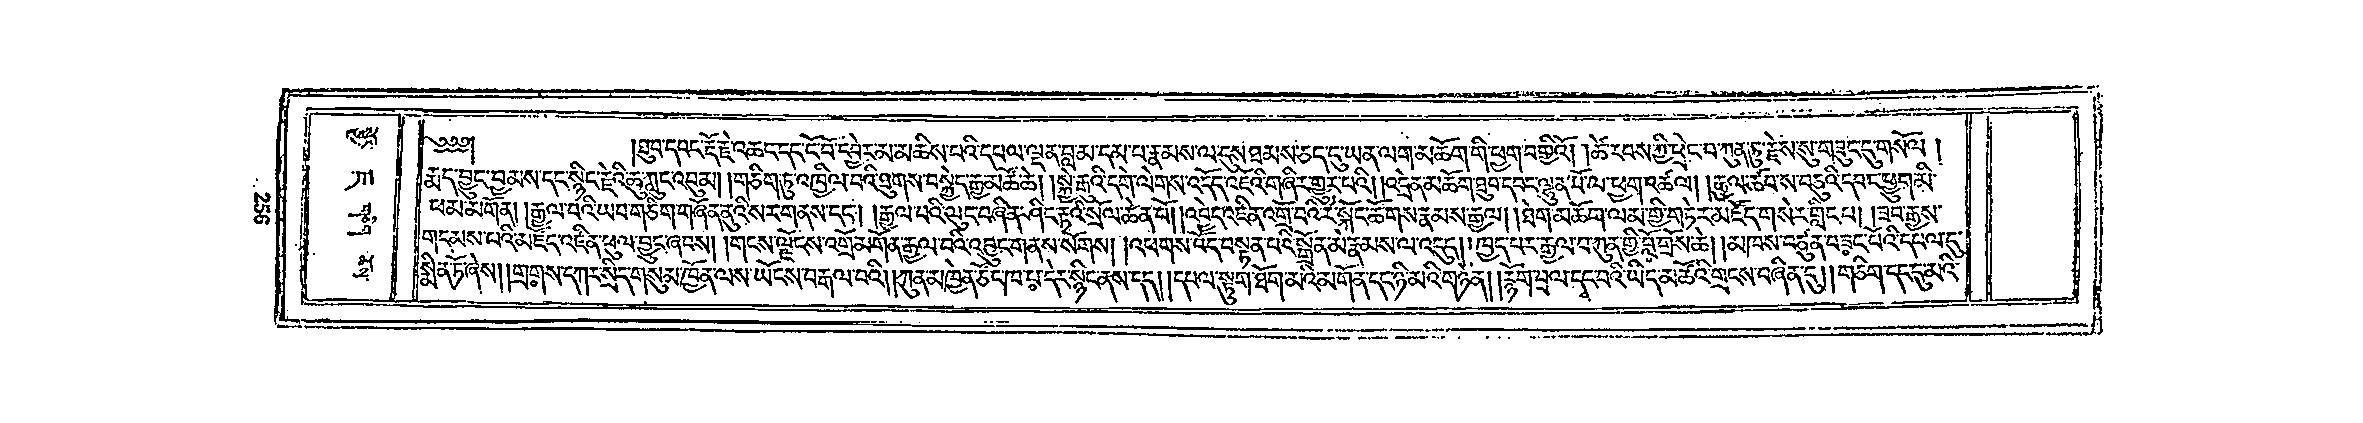༄༅༅། །ཐུབ་དབང་རྡོ་རྗེ་འཆང་དང་ངོ་བོ་དབྱེར་མ་མཆིས་པའི་དཔལ་ལྡན་བླ་མ་དམ་པ་རྣམས་ལ་དུས་ཐམས་ཅད་དུ་ཡན་ལག་མཆོག་གི་ཕྱག་བགྱིའོ། །ཚེ་རབས་ཀྱི་ཕྲེང་བ་ཀུན་ཏུ་རྗེས་སུ་གཟུང་དུ་གསོལ།
རྨད་བྱུང་བྱམས་དང་སྙིང་རྗེའི་ཆུ་ཀླུང་འབུམ། །གཅིག་ཏུ་འཁྱིལ་བའི་ཐུགས་བསྐྱེད་རྒྱ་མཚོ་ཆེ། །སྐྱེ་རྒུའི་དགེ་ལེགས་འདོད་འཇོའི་གཞིར་གྱུར་པའི། །འདྲེན་མཆོག་ཐུབ་དབང་ལྷུན་པོ་ལ་ཕྱག་འཚལ། །རྒྱལ་ཚབ་ས་བཅུའི་དབང་ཕྱུག་མི་
ཕམ་མགོན། །རྒྱལ་བའི་ཡབ་གཅིག་གཞོན་ནུའི་སར་གནས་དང་། །རྒྱལ་པའི་ལུང་བཞིན་ཤིང་རྟའི་སྲོལ་ཆེན་པོ། །འབྱེད་འཛིན་འགྲོ་བའི་རེ་སྐོང་ཚོགས་རྣམས་རྒྱལ། །ཐེག་མཆོག་ལམ་གྱི་གཏེར་མཛོད་གསེར་གླིང་པ། །ཟབ་རྒྱས་
གདམས་པའི་མཛོད་འཛིན་ཕུལ་བྱུང་ཞབས། །གངས་ལྗོངས་འགྲོ་མགོན་རྒྱལ་བའི་འབྱུང་གནས་སོགས། །འཕགས་བོད་བསྟན་པའི་སྒྲོན་མེ་རྣམས་ལ་འདུད། །ཁྱད་པར་རྒྱལ་བ་ཀུན་གྱི་བློ་གྲོས་ཆེ། །མཁས་བཙུན་བཟང་པོའི་དཔལ་དུ་
སྨིན་ཏོ་ཞེས། །གྲགས་དཀར་སྲིད་གསུམ་ཁྱོན་ལས་ཡོངས་བརྒལ་བའི། །ཀུན་མཁྱེན་ཙོང་ཁ་པ་དེར་སྙིང་ནས་དད། །དཔལ་སྟུག་ཐོག་མའི་མགོན་དང་ཉི་མའི་གཉེན། །རྙོག་བྲལ་དྭང་བའི་ཡིད་མཚོའི་གྲངས་བཞིན་དུ། །གཅིག་དང་དུ་མའི་